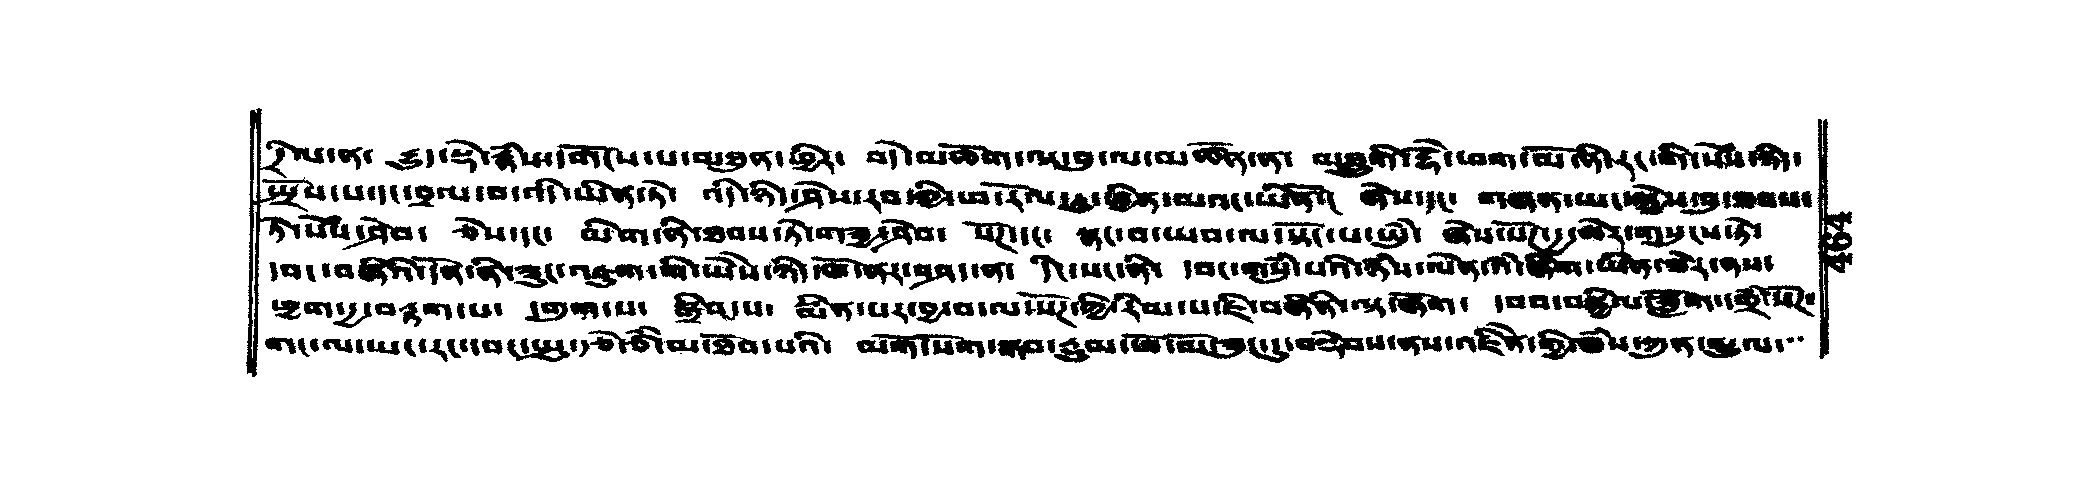དྲིལ་ན། རྒྱུད་སྡེ་རྣམས་དགོངས་པ་མཐུན་ཕྱིར། བདེ་མཆོག་ལྟ་བུ་ལ་མཚོན་ན། མཐར་ཐུག་གི་རྡོ་རྗེ་ཕག་མོ་ནི་རང་གི་སེམས་ཉིད་
སྤྲོས་པ་དང་བྲལ་བ་འདི་ཡིན་ཏེ། འདི་ཉིད་ཤེས་རབ་ཀྱི་ཕ་རོལ་ཏུ་ཕྱིན་མའང་ཡིན་ནོ། ཞེས་དང་། གཞན་ཡང་སྐྱེས་བུ་ཐབས་
ཏེ་སེམས་ཤེས་རབ། ཅེས་དང་། མིག་ནི་ཐབས་ཏེ་གཟུགས་ཤེས་རབ། སོགས་དང་། སྣང་བ་ཡབ་ལ་སྟོང་པ་ཡུམ། ཞེས་སོགས་རྒྱ་ཆེར་གསུངས་ཏེ། 
དབང་བཞིའི་དོན་ནི་ཟུང་འཇུག་གི་ཡེ་ཤེས་ཉིད་ཁོ་ནར་བཤད་ན། དིང་སང་ནི། དབང་གསུམ་པའི་ཉམས་ལེན་ཨམ་ཞིག་ཡིན་ཟེར་ནས། 
ཕྱག་རྒྱ་བརྟག་པ། དགུག་པ། སྒྲིབ་པ། སྨིན་པར་བྱ་བ་སོགས་ཀྱི་རིམ་པ་ཇི་བཞིན་ནི་ལྟ་ཞོགདབབ་བསྐྱིལ་ཟློག་དགྲམ་སོགས་
གང་ལ་ཡང་རང་དབང་སྤུ་རྩེ་ཙམ་མ་ཐོབ་པའི། མགོ་སོག་སྒབ་རྡུམ་ཕོ་མོ་ཟུང་དུ་བསྡེབས་ནས་འཇིག་རྟེན་གྱི་ཁམས་ཀུན་མྱུལ་